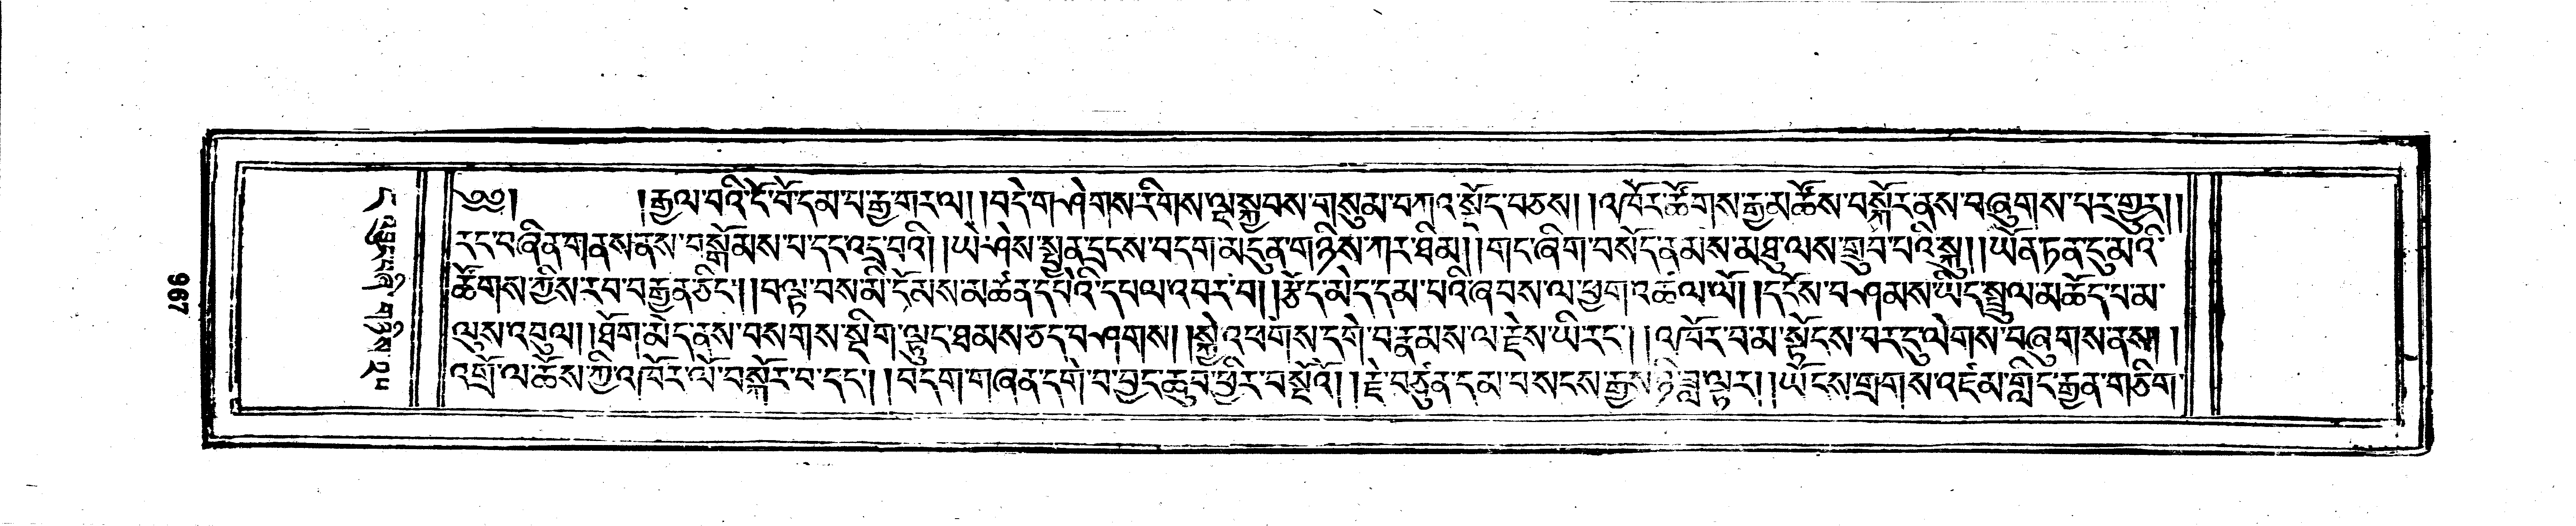༄༅། །རྒྱལ་བའི་ངོ་བོ་དམ་པ་རྒྱ་གར་ལ། །བདེ་གཤེགས་རིགས་ལྔ་སྐྱབས་གསུམ་བཀའ་སྡོད་བཅས། །འཁོར་ཚོགས་རྒྱ་མཚོས་བསྐོར་ནས་བཞུགས་པར་གྱུར། །
རང་བཞིན་གནས་ནས་བསྒོམས་པ་དང་འདྲ་བའི། །ཡེ་ཤེས་སྤྱན་དྲངས་བདག་མདུན་གཉིས་ཀར་ཐིམ། །གང་ཞིག་བསོད་ནམས་མཐུ་ལས་གྲུབ་པའི་སྐུ། །ཡོན་ཏན་དུ་མའི་
ཚོགས་ཀྱིས་རབ་བརྒྱན་ཅིང་། །བལྟ་བས་མི་ངོམས་མཚན་དཔེའི་དཔལ་འབར་བ། །རྩོད་མེད་དམ་པའི་ཞབས་ལ་ཕྱག་འཚལ་ལོ། །དངོས་བཤམས་ཡིད་སྤྲུལ་མཆོད་པ་མ་
ལུས་འབུལ། །ཐོག་མེད་ནས་བསགས་སྡིག་ལྟུང་ཐམས་ཅད་བཤགས། །སྐྱེ་འཕགས་དགེ་བ་རྣམས་ལ་རྗེས་ཡི་རང་། །འཁོར་བ་མ་སྟོངས་བར་དུ་ལེགས་བཞུགས་ནས། །
འགྲོ་ལ་ཆོས་ཀྱི་འཁོར་ལོ་བསྐོར་བ་དང་། །བདག་གཞན་དགེ་བ་བྱང་ཆུབ་ཕྱིར་བསྔོའོ། །རྗེ་བཙུན་དམ་པ་སངས་རྒྱས་ཉི་ཟླ་ལྟར། །ཡོངས་གྲགས་འཛམ་གླིང་རྒྱན་གཅིག་